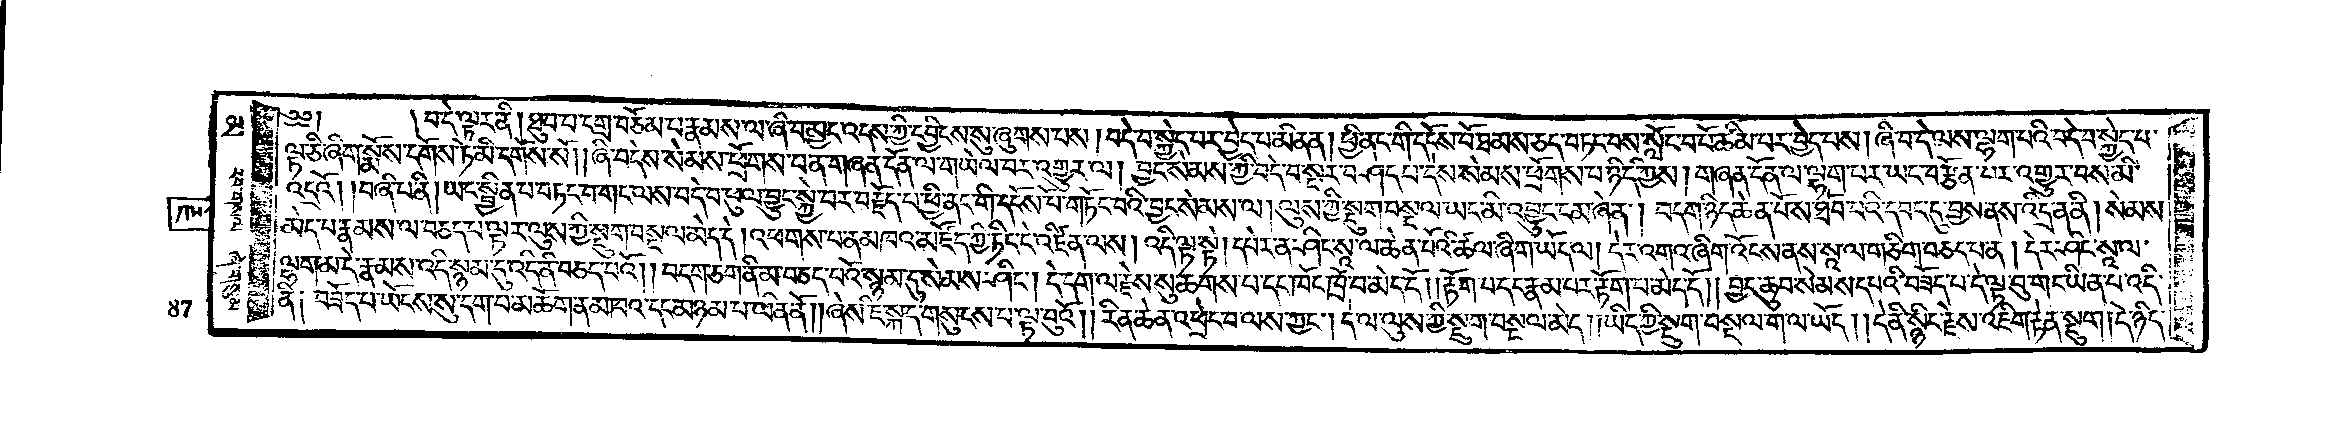༄༅། །བ་དེ་ལྟར་ནི། ཐུབ་པ་དགྲ་བཅོམ་པ་རྣམས་ལ་ཞི་བ་མྱང་འདས་ཀྱི་དབྱིངས་སུ་ཞུགས་པས། བདེ་བ་སྐྱེད་པར་བྱེད་པ་མིན་ན། ཕྱི་ནང་གི་དངོས་པོ་ཐམས་ཅད་བཏང་བས་སློང་བ་པོ་ཚིམ་པར་བྱེད་པས། ཞི་བ་དེ་ལས་ལྷག་པའི་བདེ་བ་སྐྱེད་པ་
ལྟ་ཅི་ཞིག་སྨོས་དགོས་ཏེ་མི་དགོས་སོ། །ཞི་བ་དེས་སེམས་ཕྲོགས་པ་ན་གཞན་དོན་ལ་གཡེལ་བར་འགྱུར་ལ། བྱང་སེམས་ཀྱི་བདེ་བ་སྔར་བཤད་པ་དེས་སེམས་ཕྲོགས་པ་ཉིད་ཀྱིས། གཞན་དོན་ལ་ལྷག་པར་ཡང་བརྩོན་པར་འགྱུར་བས་མི་
འདྲའོ། །བཞི་པ་ནི། ཡང་སྦྱིན་པ་བཏང་བ་གང་ལས་བདེ་བ་ཕུལ་བྱུང་སྐྱེ་བར་བརྗོད་པ་ཕྱི་ནང་གེ་དངོས་པོ་གཏོང་བའི་བྱང་སེམས་ལ། ལུས་ཀྱི་སྡུག་བསྔལ་ཡང་མི་འབྱུང་ངམ་ཞེ་ན། བདག་ཉིད་ཆེན་པོས་ཐོབ་པའི་དབང་དུ་བྱས་ནས་འདྲི་ན་ནི། སེམས་
མེད་པ་རྣམས་ལ་བཅད་པ་ལྟར་ལུས་ཀྱི་སྡུག་བསྔལ་མེད་དེ། འཕགས་པ་ནམ་མཁའ་མཛོད་ཀྱི་ཏིང་ངེ་འཛིན་ལས། འདི་ལྟ་སྟེ། དཔེར་ན་ཤིང་སཱ་ལ་ཆེན་པོའི་ཚལ་ཞིག་ཡོད་ལ། དེར་འགའ་ཞིག་འོངས་ནས་སཱ་ལ་གཅིག་བཅད་པ་ན། དེར་ཤིང་སཱ་ལ་
ལྷག་མ་དེ་རྣམས་འདི་སྙམ་དུ་འདི་ནི་བཅད་པའོ། །བདག་ཅག་ནི་མ་བཅད་པའོ་སྙམ་དུ་སེམས་ཤིང་། དེ་དག་ལ་རྗེས་སུ་ཆགས་པ་དང་ཁོང་ཁྲོ་བ་མེད་དོ། །རྟོག་པ་དང་རྣམ་པར་རྟོག་པ་མེད་དོ། །བྱང་ཆུབ་སེམས་དཔའི་བཟོད་པ་དེ་ལྟ་བུ་གང་ཡིན་པ་འདི་
ནི། བཟོད་པ་ཡོངས་སུ་དག་པ་མཆོག་ནམ་མཁའ་དང་མཉམ་པ་ཡིན་ནོ། །ཞེས་ཇི་སྐད་གསུངས་པ་ལྟ་བུའོ། །རིན་ཆེན་འཕྲེང་བ་ལས་ཀྱང་། དེ་ལ་ལུས་ཀྱི་སྡུག་བསྔལ་མེད། །ཡིད་ཀྱི་སྡུག་བསྔལ་ག་ལ་ཡོད། །དེ་ནི་སྙིང་རྗེས་འཇིག་རྟེན་སྡུག །དེ་ཉིད་